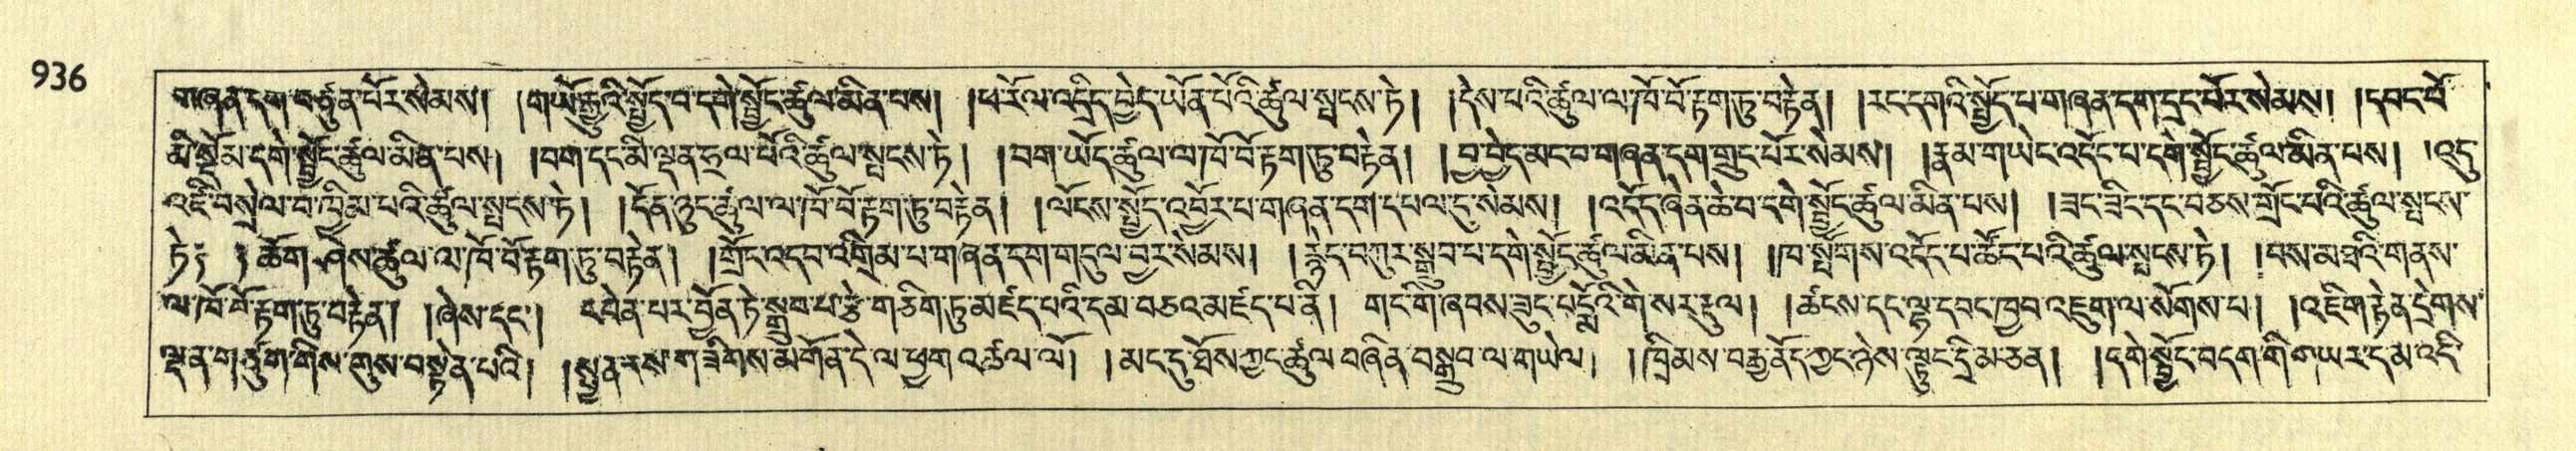གཞན་དག་བཙུན་པོར་སེམས། །གཡོ་རྒྱུའི་སྤྱོད་བ་དགེ་སྦྱོང་ཚུལ་མིན་པས། །ཕ་རོལ་འདྲིད་བྱེད་ཡོན་པོའི་ཚུལ་སྤངས་ཏེ། །དེས་པའི་ཚུལ་ལ་ཁོ་བོ་རྟག་ཏུ་བརྟེན། །རང་དགའི་སྤྱོད་པ་གཞན་དག་དྲང་པོར་སེམས། །དབང་པོ་
མི་སྡོམ་དགེ་སྦྱོང་ཚུལ་མིན་པས། །བག་དང་མི་ལྡན་ཧྲལ་པོའི་ཚུལ་སྤངས་ཏེ། །བག་ཡོད་ཚུལ་ལ་ཁོ་བོ་རྟག་ཏུ་བརྟེན། །བྱ་བྱེད་མང་བ་གཞན་དག་གྲུང་པོར་སེམས། །རྣམ་གཡེང་འདོང་པ་དགེ་སྦྱོང་ཚུལ་མིན་པས། །འདུ་
འཛི་བསྲེལ་བ་ཁྱིམ་པའི་ཚུལ་སྤངས་ཏེ། །དོན་ཉུང་ཚུལ་ལ་ཁོ་བོ་རྟག་ཏུ་བརྟེན། །ལོངས་སྤྱོད་འབྱོར་པ་གཞན་དག་དཔལ་དུ་སེམས། །འདོད་ཞེན་ཆེ་བ་དགེ་སྦྱོང་ཚུལ་མིན་པས། །ཟང་ཟིང་དང་བཅས་གྲོང་པའི་ཚུལ་སྤངས་
ཏེ༑ ༑ཆོག་ཤེས་ཚུལ་ལ་ཁོ་བོ་རྟག་ཏུ་བརྟེན། །གྲོང་འདབ་འགྲིམ་པ་གཞན་དག་གདུལ་བྱར་སེམས། །རྙེད་བཀུར་སྒྲུབ་པ་དགེ་སྦྱོང་ཚུལ་མིན་པས། །ཁ་སྤོགས་འདོད་པ་ཚོང་པའི་ཚུལ་སྤངས་ཏེ། །བས་མཐའི་གནས་
ལ་ཁོ་བོ་རྟག་ཏུ་བརྟེན། །ཞེས་དང་། དབེན་པར་བྱོན་ཏེ་སྒྲུབ་པ་རྩེ་གཅིག་ཏུ་མཛད་པའི་དམ་བཅའ་མཛད་པ་ནི། གང་གི་ཞབས་ཟུང་པདམོའི་གེ་སར་རྡུལ། །ཚངས་དང་ལྷ་དབང་ཁྱབ་འཇུག་ལ་སོགས་པ། །འཇིག་རྟེན་དྲེགས་
ལྡན་གཙུག་གིས་གུས་བསྟེན་པའི། །སྤྱན་རས་གཟིགས་མགོན་དེ་ལ་ཕྱག་འཚལ་ལོ། །མང་དུ་ཐོས་ཀྱང་ཚུལ་བཞིན་བསྒྲུབ་ལ་གཡེལ། །ཁྲིམས་བརྒྱ་ནོད་ཀྱང་ཉེས་ལྟུང་དྲི་མ་ཅན། །དགེ་སྦྱོང་བདག་གི་གཡར་དམ་འདི་